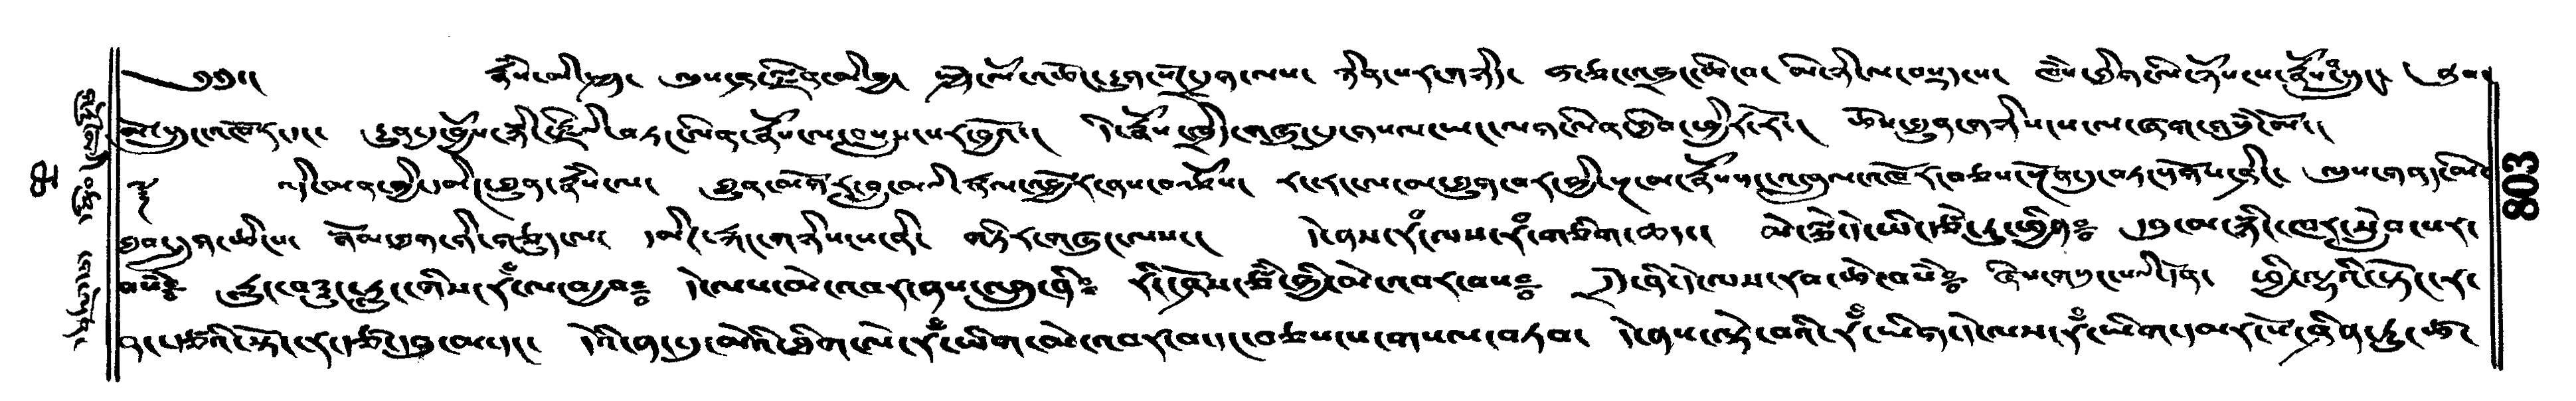རྣམས་མི་སྤྱད། ལུས་ཤ་རྗེན་མི་བྱ། སྤྱོད་ལམ་འཆོང་རྒྱུག་སོགས་དྲག་ལས། ཉིན་པར་གཉིད། ཧ་ཅང་འགྲང་ཆེ་བ། མེ་ཉི་ལ་བསྡོད་པ། ཁམས་ཐིག་ལེ་ཉམས་པ་རྣམས་བསྲུང་། ནུབ་
མོ་སྲུང་འཁོར་དང་། རྒྱུན་དུ་བྱམས་སྙིང་རྗེའི་གཏོང་ལེན་རྣམས་ལ་བསླབ་པར་བྱའོ། དེ་རྣམས་ཁྲིད་གཞུང་དུ་གསལ་ཡང་ལག་ལེན་ཐེབས་ཕྱིར་རོ། ཆོས་ཐུན་གཉིས་པ་ལ་ཞག་གསུམ་མོ།
༈ འདི་མན་གྱི་དམིགས་ཐུན་རྣམས་ལ། ཐུན་འགོར་བླ་མའི་རྣལ་འབྱོར་ནས་བརྩམས། རང་རང་ལ་མ་ཐུག་བར་གྱི་སྔ་མ་རྣམས་དང་འཁྲུལ་འཁོར་བཅས་སྔོན་དུ་བཏང་དགོས་ཤིང་། ལུས་གནད་མེ་
ཐབ་དྲུག་ཆིངས། སྒོམ་ཐག་གི་གཅུན་ལ། དམིགས་རྐང་གཉིས་པ་ནི། གཏེར་གཞུང་ལས། དེ་ནས་རཾ་ལས་རཾ་གཅིག་ཆད། །མེ་ལྕེ་དེ་ཡི་རྩེ་རུ་ཕྱིན༔ དབུ་མ་སྙིང་ཁར་སླེབས་པར་
བསམ༔ རླུང་བཟུང་རླུང་གིས་རྃ་ལ་བརྒྱབ༔ དེ་ལས་མེ་འབར་ནས་འབྲུ་ནི༔ རིང་ཤོས་ཙམ་གྱི་མེ་འབར་བས༔ དྲོད་ནི་དེ་ལས་རབ་ཆེ་བསམ༔ ཞེས་གསུངས་པའི་དོན། ཕྱི་ལྷའི་སྟོང་ར། 
ནང་རྩའི་སྟོང་ར་རྩ་དབུ་མ་དང་། དེའི་ནང་དུ་མེའི་ཐིག་ལེ་རྃ་ཡིག་མེ་འབར་བ་དང་བཅས་པ་གསལ་བཏབ། དེ་ནས་ལྟེ་བའི་རྃ་ཡིག་དེ་ལས་རྃ་ཡིག་དམར་པོ་ཤིན་ཏུ་ཚ་